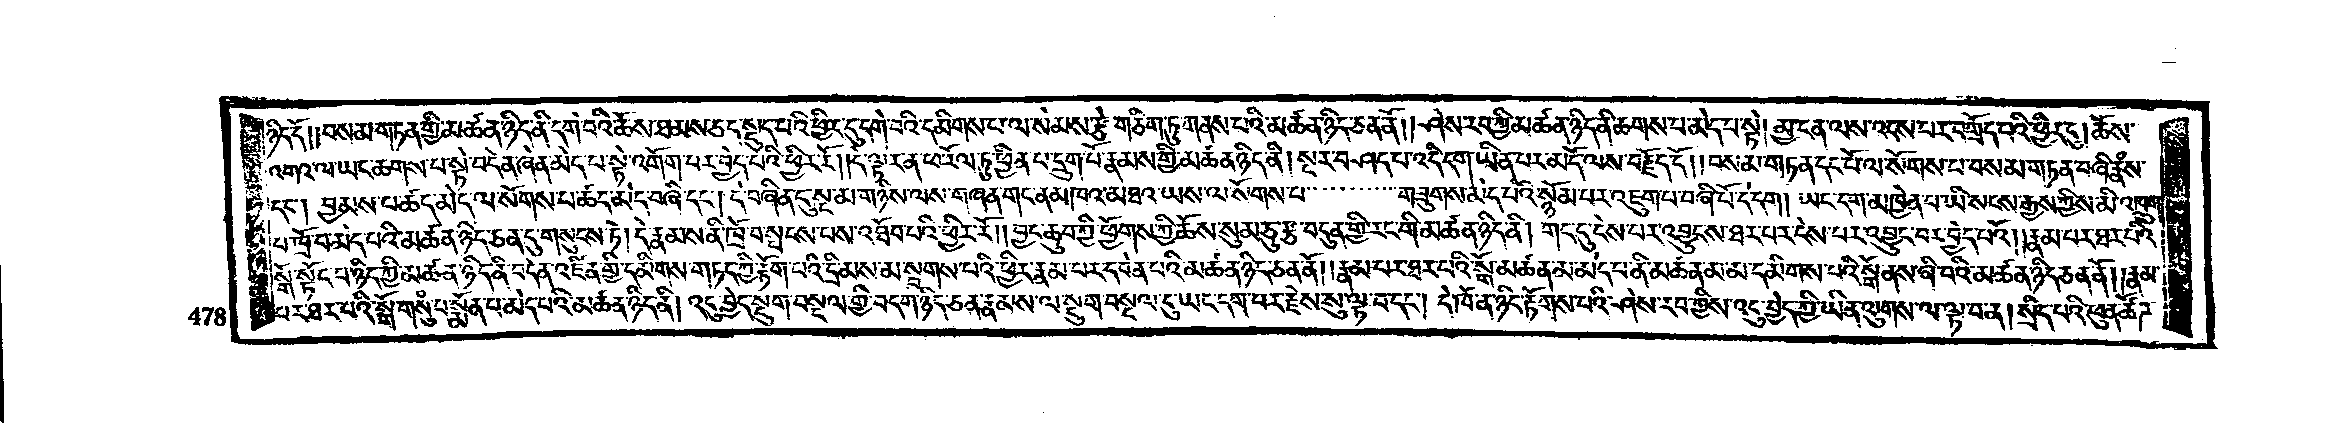ཉིད་དོ། །བསམ་གཏན་གྱི་མཚན་ཉིད་ནི་དགེ་བའི་ཆོས་ཐམས་ཅད་སྡུད་པའི་ཕྱིར་དུ་དགེ་བའི་དམིགས་པ་ལ་སེམས་རྩེ་གཅིག་ཏུ་གནས་པའི་མཚན་ཉིད་ཅན་ནོ། །ཤེས་རབ་ཀྱི་མཚན་ཉིད་ནི་ཆགས་པ་མེད་པ་སྟེ། མྱ་ངན་ལས་འདས་པར་བགྲོད་པའི་ཕྱིར་དུ། ཆོས་
འགའ་ལ་ཡང་ཆགས་པ་སྟེ་བདེན་ཞེན་མེད་པ་སྟེ་འགོག་པར་བྱེད་པའི་ཕྱིར་རོ། །དེ་ལྟར་ན་ཕ་རོལ་ཏུ་ཕྱིན་པ་དྲུག་པོ་རྣམས་ཀྱི་མཚན་ཉིད་ནི། སྔར་བཤད་པ་འདི་དག་ཡིན་པར་མདོ་ལས་བརྗོད་དོ། །བསམ་གཏན་དང་པོ་ལ་སོགས་པ་བསམ་གཏན་བཞི་རྣམས་
དང་། བྱམས་པ་ཚད་མེད་ལ་སོགས་པ་ཚད་མེད་བཞི་དང་། དེ་བཞིན་དུ་སྔ་མ་གཉིས་ལས་གཞན་གང་ནམ་མཁའ་མཐའ་ཡས་ལ་སོགས་པ་གཟུགས་མེད་པའི་སྙོམ་པར་འཇུག་པ་བཞི་པོ་དེ་དག །ཡང་དག་མཁྱེན་པ་ཡི་སངས་རྒྱས་ཀྱིས་མི་འཁྲུག་
པ་ཁྲོ་བ་མེད་པའི་མཚན་ཉིད་ཅན་དུ་གསུངས་ཏེ། དེ་རྣམས་ནི་ཁྲོ་བ་སྤངས་པས་འཐོབ་པའི་ཕྱིར་རོ། །བྱང་ཆུབ་ཀྱི་ཕྱོགས་ཀྱི་ཆོས་སུམ་ཅུ་རྩ་བདུན་གྱི་རང་གི་མཚན་ཉིད་ནི། གང་དུ་ངེས་པར་འབྱུང་ས་ཐར་པར་ངེས་པར་འབྱུང་བར་བྱེད་པའོ། །རྣམ་པར་ཐར་པའི་
སྒོ་སྟོང་པ་ཉིད་ཀྱི་མཚན་ཉིད་ནི་བདེན་འཛིན་གྱི་དམིགས་གཏད་ཀྱི་རྟོག་པའི་དྲི་མས་མ་སྦགས་པའི་ཕྱིར་རྣམ་པར་དབེན་པའི་མཚན་ཉིད་ཅན་ནོ། །རྣམ་པར་ཐར་པའི་སྒོ་མཚན་མ་མེད་པ་ནི་མཚན་མ་མ་དམིགས་པའི་སྒོ་ནས་ཞི་བའི་མཚན་ཉིད་ཅན་ནོ། །རྣམ་
པར་ཐར་པའི་སྒོ་གསུམ་པ་སྨོན་པ་མེད་པའི་མཚན་ཉིད་ནི། འདུ་བྱེད་སྡུག་བསྔལ་གྱི་བདག་ཉིད་ཅན་རྣམས་ལ་སྡུག་བསྔལ་དུ་ཡང་དག་པར་རྗེས་སུ་ལྟ་བ་དང་། དེ་ཁོ་ན་ཉིད་རྟོགས་པའི་ཤེས་རབ་ཀྱིས་འདུ་བྱེད་ཀྱི་ཡིན་ལུགས་ལ་ལྟ་བ་ན། སྲིད་པའི་ཕུན་ཚོགས་